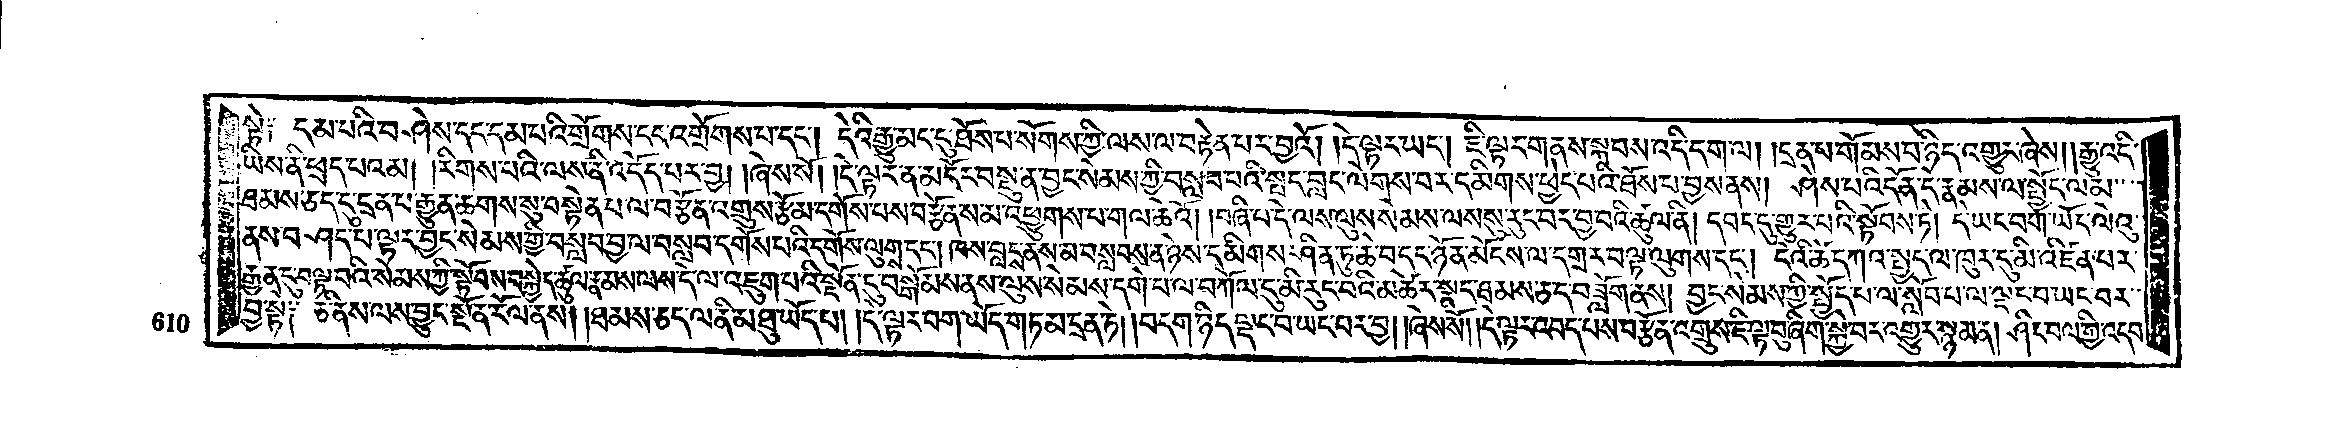སྟེ༑ དམ་པའི་བཤེས་དང་དམ་པའི་གྲོགས་དང་འགྲོགས་པ་དང་། དེའི་རྒྱུ་མང་དུ་ཐོས་པ་སོགས་ཀྱི་ལས་ལ་བརྟེན་པར་བྱའོ། །དེ་ལྟར་ཡང་། ཇི་ལྟར་གནས་སྐབས་འདི་དག་ལ། །དྲན་པ་གོམས་པ་ཉིད་འགྱུར་ཞེས། །རྒྱུ་འདི་
ཡིས་ནི་ཕྲད་པའམ། །རིགས་པའི་ལས་ནི་འདོད་པར་བྱ། །ཞེས་སོ། །དེ་ལྟར་ན་མདོར་བསྡུ་ན་བྱང་སེམས་ཀྱི་བསླབ་པའི་སྤང་བླང་ལེགས་པར་དམིགས་ཕྱེད་པའི་ཐོས་པ་བྱས་ནས། ཤེས་པའི་དོན་དེ་རྣམས་ལ་སྤྱོད་ལམ་
ཐམས་ཅད་དུ་དྲན་པ་རྒྱུན་ཆགས་སུ་བསྟེན་པ་ལ་བརྩོན་འགྲུས་རྩོམ་དགོས་པས་བརྩོན་ས་མ་འཕྱུགས་པ་གལ་ཆེའོ། །བཞི་པ་དེ་ལས་ལུས་སེམས་ལས་སུ་རུང་བར་བྱ་བའི་ཚུལ་ནི། དབང་དུ་གྱུར་པའི་སྟོབས་ཏེ། དེ་ཡང་བག་ཡོད་ལེའུ་
ནས་བཤད་པ་ལྟར་བྱང་སེམས་ཀྱི་བསླབ་བྱ་ལ་བསླབ་དགོས་པའི་དགོས་ལུགས་དང་། ཁས་བླངས་ནས་མ་བསླབས་ན་ཉེས་དམིགས་ཤིན་ཏུ་ཆེ་བ་དང་ཉོན་མོངས་ལ་དགྲར་བལྟ་ལུགས་དང་། དེའི་ཚེ་དཀའ་སྤྱད་ལ་ཁུར་དུ་མི་འཛིན་པར་
རྒྱན་དུ་བལྟ་བའི་སེམས་ཀྱི་སྟོབས་བསྐྱེད་ཚུལ་རྣམས་ལས་དེ་ལ་འཇུག་པའི་སྔོན་དུ་བསྒོམས་ནས་ལུས་སེམས་དགེ་བ་ལ་བཀོལ་དུ་མི་རུང་བའི་མཚེར་སྣང་ཐམས་ཅད་བཟློག་ནས། བྱང་སེམས་ཀྱི་སྤྱོད་པ་ལ་སློབ་པ་ལ་ལྡང་བ་ཡང་བར་
བྱ་སྟེ༑ ཅི་ནས་ལས་བྱུང་སྔོན་རོལ་ནས། །ཐམས་ཅད་ལ་ནི་མཐུ་ཡོད་པ། །དེ་ལྟར་བག་ཡོད་གཏམ་དྲན་ཏེ། །བདག་ཉིད་ལྡང་བ་ཡང་བར་བྱ། །ཞེས་སོ། །དེ་ལྟར་འབད་པས་བརྩོན་འགྲུས་ཇི་ལྟ་བུ་ཞིག་སྐྱེ་བར་འགྱུར་སྙམ་ན། ཤིང་བལ་གྱི་འདབ་